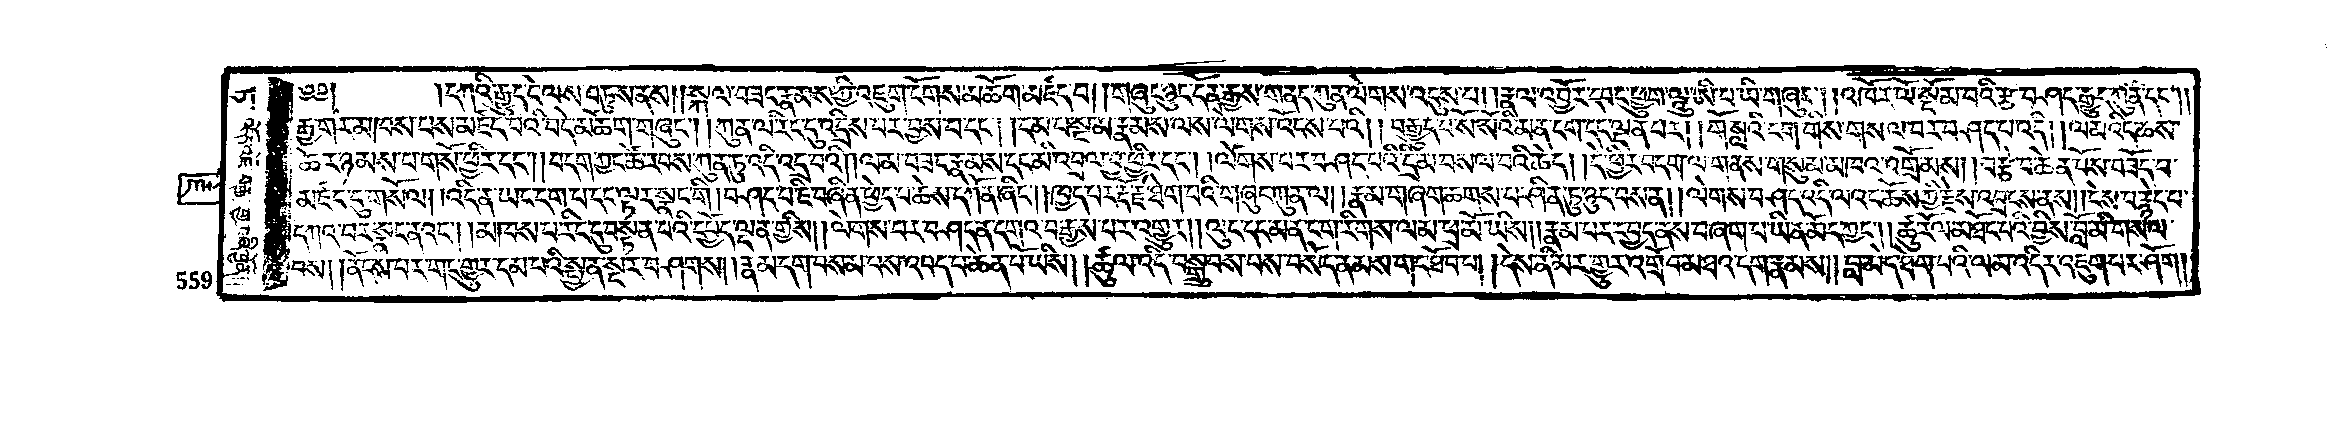༄༅། །དཀའི་རྒྱུད་དེ་ལས་བཏུས་ནས། །སྐལ་བཟང་རྣམས་ཀྱི་འཇུག་ངོགས་མཆོག་མཛད་པ། །གཞུང་ཉུང་དོན་རྒྱས་གནད་ཀུན་ལེགས་འདུས་པ། །རྣལ་འབྱོར་དབང་ཕྱུག་ལཱུ་ཨི་པ་ཡི་གཞུང་། །འཁོར་ལོ་སྡོམ་པའི་རྩ་བཤད་རྒྱུད་ཀུན་དང་། །
རྒྱ་གར་མཁས་པས་མཛད་པའི་བདེ་མཆོག་གཞུང་། །ཀུན་ལ་རིང་དུ་འདྲིས་པར་བྱས་པ་དང་། །དམ་པ་སྔ་མ་རྣམས་ལས་ལེགས་འོངས་པའི། །བརྒྱུད་པ་སོ་སོའི་མན་ངག་དང་ལྡན་པར། །གོ་སླའི་ངག་གིས་གསལ་བར་བཤད་པ་འདི། །ལམ་འདི་ཆས་
ཆེར་ཉམས་པ་གསོ་ཕྱིར་དང་། །བདག་ཀྱང་ཚེ་རབས་ཀུན་ཏུ་འདི་འདྲ་བའི། །ལམ་བཟང་རྣམས་དང་མི་འབྲལ་བྱ་ཕྱིར་དང་། །ལོགས་པར་བཤད་པའི་དྲི་མ་བསལ་བའི་ཆེད། །དེ་ཕྱིར་བདག་ལ་གནས་གསུམ་མཁའ་འགྲོ་མས། །བརྩེ་བ་ཆེན་པོས་བཟོད་པ་
མཛད་དུ་གསོལ། །འདི་ན་ཡང་དག་པ་དང་ལྟར་སྣང་གི། །བཤད་པ་ཇི་བཞིན་ཕྱེད་པ་ཆེས་དཀོན་ཞིང་། །ཁྱད་པར་རྡོ་རྗེ་ཐིག་པའི་གཞུང་ཀུན་ལ། །རྣམ་གཞག་ཆགས་པ་ཤིན་ཏུ་ཉུང་བས་ན། ལེགས་བཤད་འདི་ལའང་ཆོས་ཀྱི་རྗེས་འབྲངས་ནས། །ངེས་པ་རྙེད་པ་
དཀའ་བར་སྣང་ནའང་། །མཁས་པ་རིང་དུ་བསྟན་པའི་དཔྱོད་ལྡན་གྱིས། །ལེགས་པར་བཤད་ན་དགའ་བ་རྒྱས་པར་འགྱུར། །ལུང་དང་མན་ངག་རིགས་ལམ་ཕྲ་མོ་ཡིས། །རྣམ་པར་དཔྱད་ནས་བཞག་པ་ཡིན་མོད་ཀྱང་། །ཚུ་རོལ་མཐོང་པའི་བྱིས་བློ་མི་གསལ་
བས། །ནོངས་པར་གང་གྱུར་དམ་པའི་སྤྱན་སྔར་བཤགས། །རྣམ་དག་བསམ་པས་འབད་པ་ཆེན་པོ་ཡིས། །ཚུལ་འདི་བསྒྲུབས་པས་བསོད་ནམས་གང་ཐོབ་པ། །དེས་ནི་མར་གྱུར་འགྲོ་བ་མཐའ་དག་རྣམས། །བླ་མེད་ཐེག་པའི་ལམ་འདིར་འཇུག་པར་ཤོག །